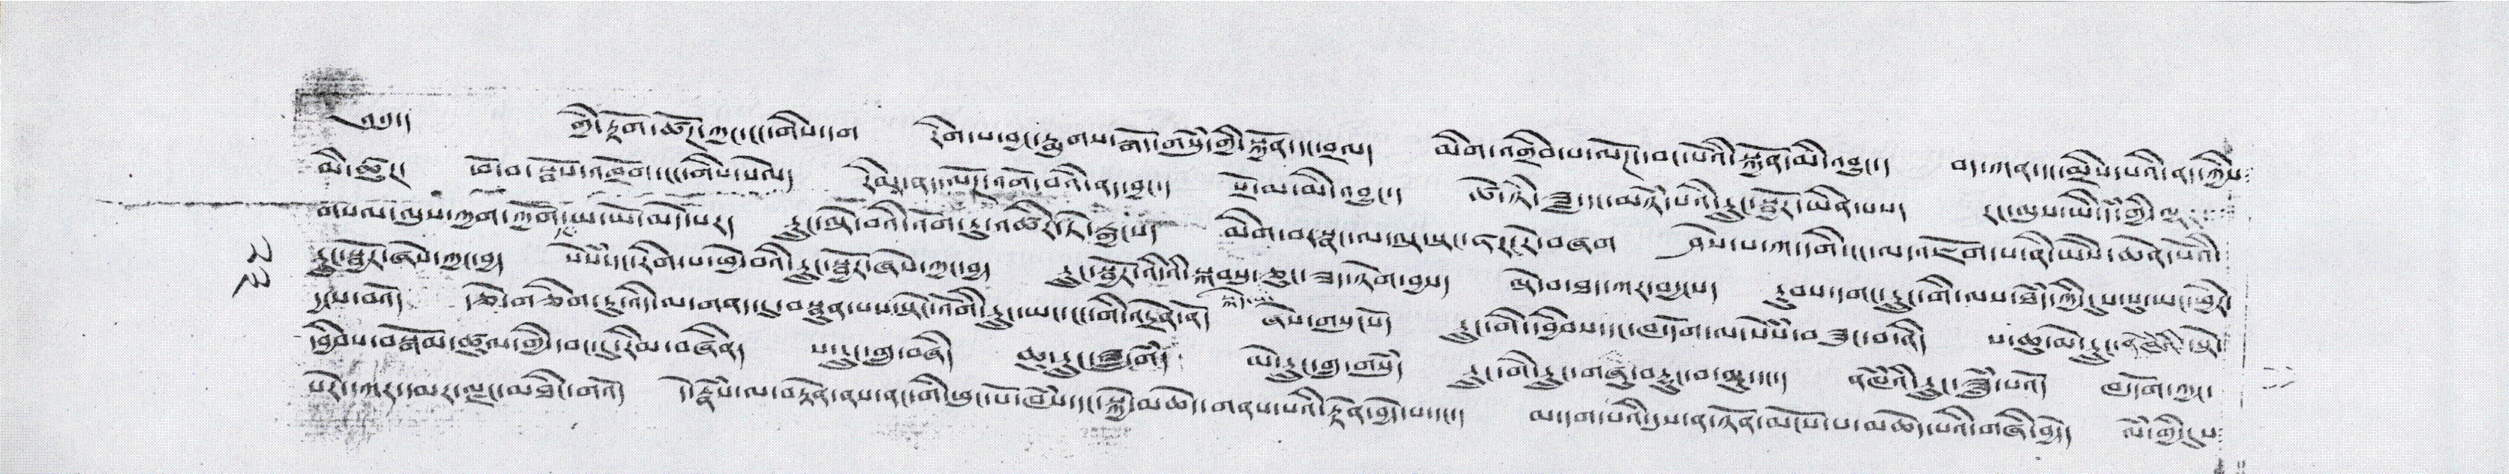གྱི་རྟོག་ཚོགས་ཀྱང་ངང་གིས་དག རིག་པ་བྱིང་རྨུག་རྒོད་གསུམ་གྱི་སྐྱོན་དང་བྲལ། མིག་འགྲིབ་པ་སོགས་དབང་པོའི་སྐྱོན་མི་འབྱུང་། བད་ཀན་དང་མཁྲིས་པའི་ནད་ཀྱིས་
མི་ཚུགས། ཕོ་བ་སྦོམ་ཁྲོག་ངང་གིས་སེལ། རིམས་ནད་ལ་སོགས་འགོ་བའི་ནད་བྱང་། སྲོ་མ་མི་འབྱུང་། ཚེ་ཉི་ཟླ་དང་མཉམ་པའི་རླུང་སྦྱོར་ཡིན་པས། རང་ལུས་ཡི་དམ་གྱི་ལྷར་
གསལ་ལུས་ཀྱག་ཀྱོག་དང་ཡ་ཡོ་མེད་པར། རླུང་ལྟེ་བའི་འོག་ཏུ་འཚིར་ཏེ་སྦྱངས། མིག་བར་སྣང་ལ་ལྟ་སྟངས་ཧར་རེ་བཞག ཤེས་པ་ཀ་དག་གི་ངང་ལ་འཇོག་པ་ནི་ཡེ་ཤེས་ཆེན་པོའི་
རླུང་སྦྱོར་ཞེས་ཀྱང་བྱ། རླུང་སྦྱོར་འདིའི་སྐབས་སུ་རྐེད་པ་ཅུང་ཟད་ཉོག་བྱས། ལྟེ་བ་ཐད་ཀར་སྦྱངས། རྔུབ་དགང་རླུང་གི་ལས་ཐམས་ཅད་ཀྱི་དུས་སུ་ཡང་ཕྱིར་
རྒྱང་བའོ། རྩེ་གཅིག་ཏུ་འདི་ལ་གནད་དུ་བསྣུན་པས་སྟེང་འོག་གི་རླུང་ཡང་ངང་གིས་འདྲེན་ནོ། ཞེས་གསུངས་སོ། རླུང་གི་དབྱིབས་དང་ཁ་དོག་ལ་སེམས་བཟུང་བ་ནི། ས་ཆུ་མེ་རླུང་ནམ་མཁའ་སྟེ་
དབྱིབས་སྒོམ་ཚུལ་གྱི་དབང་དུ་རིམ་བཞིན་ས་རླུང་གྲུ་བཞི། ཆུ་རླུང་ཟླ་གམ། མེ་རླུང་གྲུ་བཞི། རླུང་གི་རླུང་གཞུ་བརྡུང་བ་ལྟ་བུ་དང་། ནམ་མཁའི་རླུང་ཟླུམ་པོའོ། ཁ་དོག་ཀྱང་
སེར་དཀར་དམར་ལྗང་མཐིང་གའོ། དེ་རྣམས་ལ་བརྟེན་ནས་ནང་གི་ཕུང་པོ་ཁམས་དང་སྐྱེ་མཆེད་གནས་པའི་རྟེན་བྱེད་པ་དང་། མ་དག་པའི་དུས་ན་ཉོན་མོངས་པ་མཆེད་པའི་གཞི་བྱེད། ལམ་གྱི་དུས་